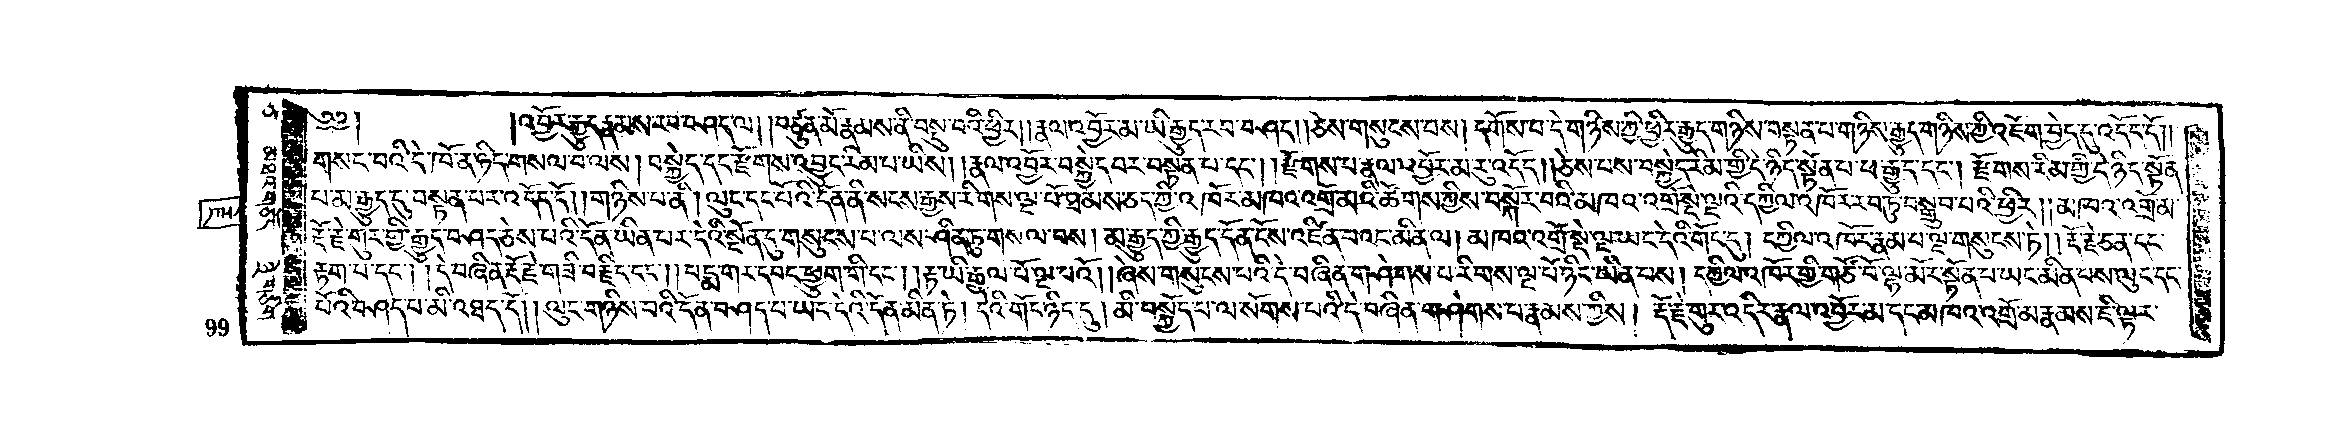༄༅། །འབྱོར་རྒྱུད་རྣམས་རབ་བཤད་ལ། །བཙུན་མོ་རྣམས་ནི་བསྡུ་བའི་ཕྱིར། །རྣལ་འབྱོར་མ་ཡི་རྒྱུད་རབ་བཤད། །ཅེས་གསུངས་པས། དགོས་པ་དེ་གཉིས་ཀྱི་ཕྱིར་རྒྱུད་གཉིས་བསྟན་པ་གཉིས་རྒྱུད་གཉིས་ཀྱི་འཇོག་བྱེད་དུ་འདོད་དོ། །
གསང་བའི་དེ་ཁོ་ན་ཉིད་གསལ་བ་ལས། བསྐྱེད་དང་རྫོགས་འབྱུང་རིམ་པ་ཡིས། །རྣལ་འབྱོར་བསྐྱེད་པར་བསྟན་པ་དང་། །རྫོགས་པ་རྣལ་འབྱོར་མ་རུ་འདོད། །ཅེས་པས་བསྐྱེད་རིམ་གྱི་དེ་ཉིད་སྟོན་པ་ཕ་རྒྱུད་དང་། རྫོགས་རིམ་གྱི་དེ་ཉིད་སྟོན་
པ་མ་རྒྱུད་དུ་བསྟན་པར་འདོད་དོ། །གཉིས་པ་ནི། ལུང་དང་པོའི་དོན་ནི་སངས་རྒྱས་རིགས་ལྔ་པོ་ཐམས་ཅད་ཀྱི་འཁོར་མཁའ་འགྲོ་མའི་ཚོགས་ཀྱིས་བསྐོར་བའི་མཁའ་འགྲོ་སྡེ་ལྔའི་དཀྱིལ་འཁོར་རབ་ཏུ་བསྒྲུབ་པའི་ཕྱིར། །མཁའ་འགྲོ་མ་
རྡོ་རྗེ་གུར་གྱི་རྒྱུད་བཤད་ཅེས་པའི་དོན་ཡིན་པར་དེའི་སྔོན་དུ་གསུངས་པ་ལས་ཤིན་ཏུ་གསལ་བས། མ་རྒྱུད་ཀྱི་རྒྱུད་དོན་ངོས་འཛིན་པའང་མིན་ལ། མཁའ་འགྲོ་སྡེ་ལྔ་ཡང་དེའི་གོང་དུ། དཀྱིལ་འཁོར་རྣམ་པ་ལྔ་གསུངས་ཏེ། །རྡོ་རྗེ་ཅན་དང་
རྟག་པ་དང་། །དེ་བཞིན་རྡོ་རྗེ་གཟི་བརྗིད་དང་། །པདམ་གར་དབང་ཕྱུག་གི་དང་། །རྟ་ཡི་རྒྱལ་པོ་ལྔ་པའོ། །ཞེས་གསུངས་པའི་དེ་བཞིན་གཤེགས་པ་རིགས་ལྔ་པོ་ཉིད་ཡིན་པས། དཀྱིལ་འཁོར་གྱི་གཙོ་བོ་ལྷ་མོར་སྟོན་པ་ཡང་མིན་པས་ལུང་དང་
པོའི་བཤད་པ་མི་འཐད་དོ། །ལུང་གཉིས་པའི་དོན་བཤད་པ་ཡང་དེའི་དོན་མིན་ཏེ། དེའི་གོང་ཉིད་དུ། མི་བསྐྱོད་པ་ལ་སོགས་པའི་དེ་བཞིན་གཤེགས་པ་རྣམས་ཀྱིས། རྡོ་རྗེ་གུར་འདིར་རྣལ་འབྱོར་མ་དང་མཁའ་འགྲོ་མ་རྣམས་ཇི་ལྟར་